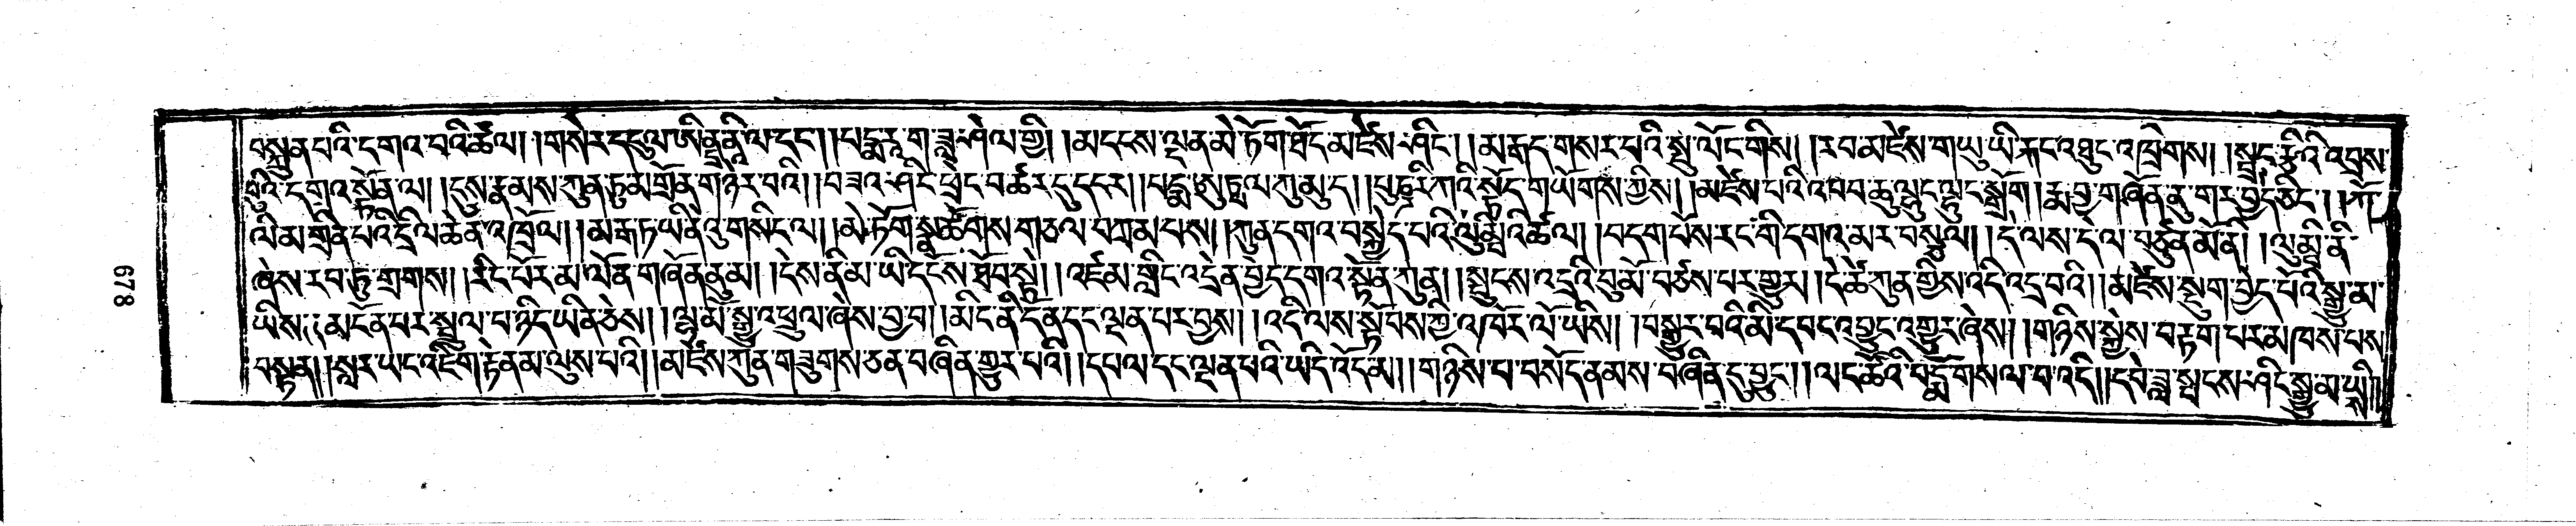བསྐྲུན་པའི་དགའ་བའི་ཚལ། །གསེར་དངུལ་ཨིནྡྲ་ནཱི་ལ་དང་། །པདམ་རཱ་ག་ཟླ་ཤེལ་གྱི། །མདངས་ལྡན་མེ་ཏོག་ཐོད་མཛེས་ཤིང་། །མྲྒད་གསར་པའི་སྤུ་ལོང་གིས། །རབ་མཛེས་གཡུ་ཡི་རྐང་འཐུང་འཁྲིགས། །སྦྲང་རྩིའི་འབྲས་
བུའི་དགའ་སྟོན་ལ། །དུས་རྣམས་ཀུན་ཏུ་མགྲོན་གཉེར་བའི། །བཟའ་ཤིང་ཕྲེང་བ་ཚར་དུ་དངར། །པདམ་ཨུཏྤལ་ཀུ་མུ་ད། །པུཎྜ་རི་ཀའི་སྟོད་གཡོགས་ཀྱིས། །མཛེས་པའི་འབབ་ཆུ་ལྷུང་ལྷུང་སྒྲོག །རྨ་བྱ་གཞོན་ནུ་གར་བྱེད་ཅིང་། །ཀོ་
ལི་མགྲིན་པའི་དྲིལ་ཆེན་འཁྲོལ། །མྲྒ་ཏ་ཡི་ནེའུ་གསིང་ལ། །མེ་ཏོག་སྣ་ཚོགས་གཅལ་བཀྲམ་པས། །ཀུན་དགའ་བསྐྱེད་པའི་ལུམྦིའི་ཚལ། །བདག་པོས་རང་གི་དགའ་མར་བསྩལ། །ད་ལས་དེ་ལ་བཙུན་མོ་ནི། །ལུམྦི་ནི་
ཞེས་རབ་ཏུ་གྲགས། །རིང་པོར་མ་ལོན་གཞོན་ནུ་མ། །དེས་ནི་མ་ཡི་དངོས་ཐོབ་སྟེ། །འཛམ་གླིང་འདྲེན་བྱེད་དགའ་སྟོན་ཀུན། །སྤུངས་འདྲའི་བུ་མོ་བཙས་པར་གྱུར། །དེ་ཚེ་ཀུན་གྱིས་འདི་འདྲ་བའི། །མཛེས་སྡུག་བྱེད་པོའི་སྒྱུ་མ་
ཡིས༑ ༑མངོན་པར་སྤྲུལ་པ་ཉིད་ཡིན་ཅེས། །ལྷ་མོ་སྒྱུ་འཕྲུལ་ཞེས་བྱ་བ། །མིང་ནི་དོན་དང་ལྡན་པར་བྱས། །འདི་ལས་སྟོབས་ཀྱི་འཁོར་ལོ་ཡིས། །བསྒྱུར་བའི་མི་དབང་འབྱུང་འགྱུར་ཞེས། །གཉིས་སྐྱེས་བརྟག་པར་མཁས་པས་
བསྟན། །སླར་ཡང་འཇིག་རྟེན་མ་ལུས་པའི། །མཛེས་ཀུན་གཟུགས་ཅན་བཞིན་གྱུར་པའི། །དཔལ་དང་ལྡན་པའི་ཡིད་འོང་མ། །གཉིས་པ་བསོད་ནམས་བཞིན་དུ་བྱུང་། །ལང་ཚོའི་པདམོ་གསལ་བ་འདི། །དཔེ་ཟླ་སྤངས་ཤིང་སྒྱུ་མ་ཡིས། །